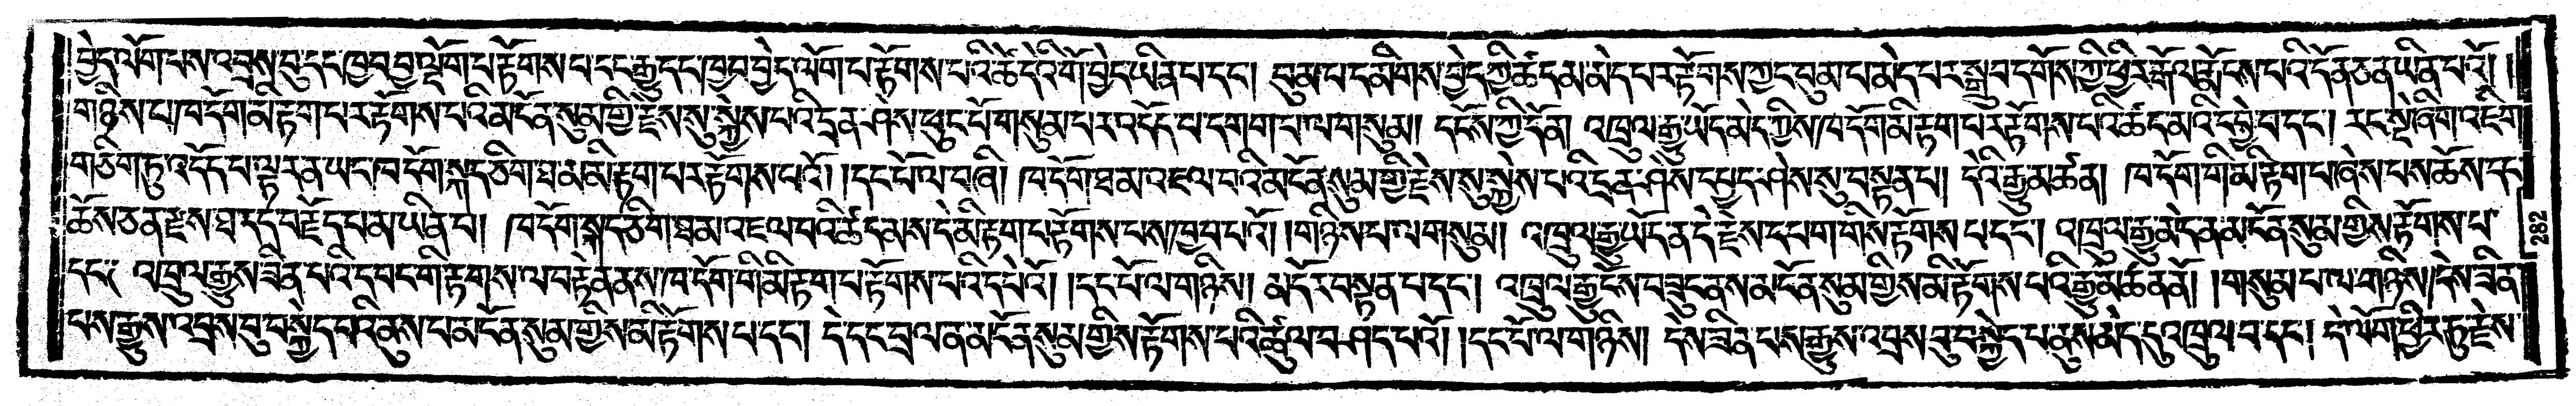བྱེད་ལོག་པས་འབྲས་བུ་དང་ཁྱབ་བྱ་ལྡོག་པ་རྟོགས་པ་དང་རྒྱུ་དང་ཁྱབ་བྱེད་ལོག་པ་རྟོགས་པའི་ཚེ་དེའི་གོ་བྱེད་ཡིན་པ་དང་། བུམ་པ་དམིགས་བྱེད་ཀྱི་ཚད་མ་མེད་པར་རྟོགས་ཀྱང་བུམ་པ་མེད་པར་སྒྲུབ་དགོས་ཀྱི་ཕྱིར་རྒོལ་རྨོངས་པའི་དོན་ཅན་ཡིན་པའོ། །
གཉིས་པ་ཁ་དོག་མི་རྟག་པར་རྟོགས་པའི་མངོན་སུམ་གྱི་རྗེས་སུ་སྐྱེས་པའི་དྲན་ཤེས་ཕུང་པོ་གསུམ་པར་འདོད་པ་དགག་པ་ལ་གསུམ། དངོས་ཀྱི་དོན། འཁྲུལ་རྒྱུ་ཡོད་མེད་ཀྱིས་ཁ་དོག་མི་རྟག་པར་རྟོགས་པའི་ཚད་མའི་དབྱེ་བ་དང་། རང་སྡེ་ཞིག་འཇིག་
གཅིག་ཏུ་འདོད་པ་ལྟར་ན་ཡང་ཁ་དོག་སྐད་ཅིག་ཐ་མ་མི་རྟག་པར་རྟོགས་པའོ། །དང་པོ་ལ་བཞི། ཁ་དོག་ཐ་མ་འཇལ་བའི་མངོན་སུམ་གྱི་རྗེས་སུ་སྐྱེས་པའི་དྲན་ཤེས་དཔྱད་ཤེས་སུ་བསྟན་པ། དེའི་རྒྱུ་མཚན། ཁ་དོག་གི་མི་རྟག་པ་ཞེས་པས་ཆོས་དང་
ཆོས་ཅན་རྫས་ཐ་དད་བརྗོད་པ་མ་ཡིན་པ། ཁ་དོག་སྐད་ཅིག་ཐ་མ་འཇལ་བའི་ཚད་མས་དེ་མི་རྟག་པ་རྟོགས་པས་ཁྱབ་པའོ། །གཉིས་པ་ལ་གསུམ། འཁྲུལ་རྒྱུ་ཡོད་ན་དེ་རྗེས་དཔག་གིས་རྟོགས་པ་དང་། འཁྲུལ་རྒྱུ་མེད་ན་མངོན་སུམ་གྱིས་རྟོགས་པ་
དང་། འཁྲུལ་རྒྱུས་ཟིན་པའི་དབང་གི་རྟགས་ལ་བརྟེན་ནས་ཁ་དོག་གི་མི་རྟག་པ་རྟོགས་པའི་དཔེའོ། །དང་པོ་ལ་གཉིས། མདོར་བསྟན་པ་དང་། འཁྲུལ་རྒྱུ་ངོས་བཟུང་ནས་མངོན་སུམ་གྱིས་མི་རྟོགས་པའི་རྒྱུ་མཚན་ནོ། །གསུམ་པ་ལ་གཉིས། དེས་ཟིན་
པས་རྒྱུས་འབྲས་བུ་བསྐྱེད་པའི་ནུས་པ་མངོན་སུམ་གྱིས་མི་རྟོགས་པ་དང་། དེ་དང་བྲལ་ན་མངོན་སུམ་གྱིས་རྟོགས་པའི་ཚུལ་བཤད་པའོ། །དང་པོ་ལ་གཉིས། དེས་ཟིན་པས་རྒྱུས་འབྲས་བུ་བསྐྱེད་པ་ནུས་མེད་དུ་འཁྲུལ་བ་དང་། དེ་ལོག་ཕྱིར་ཏུ་རྗེས་